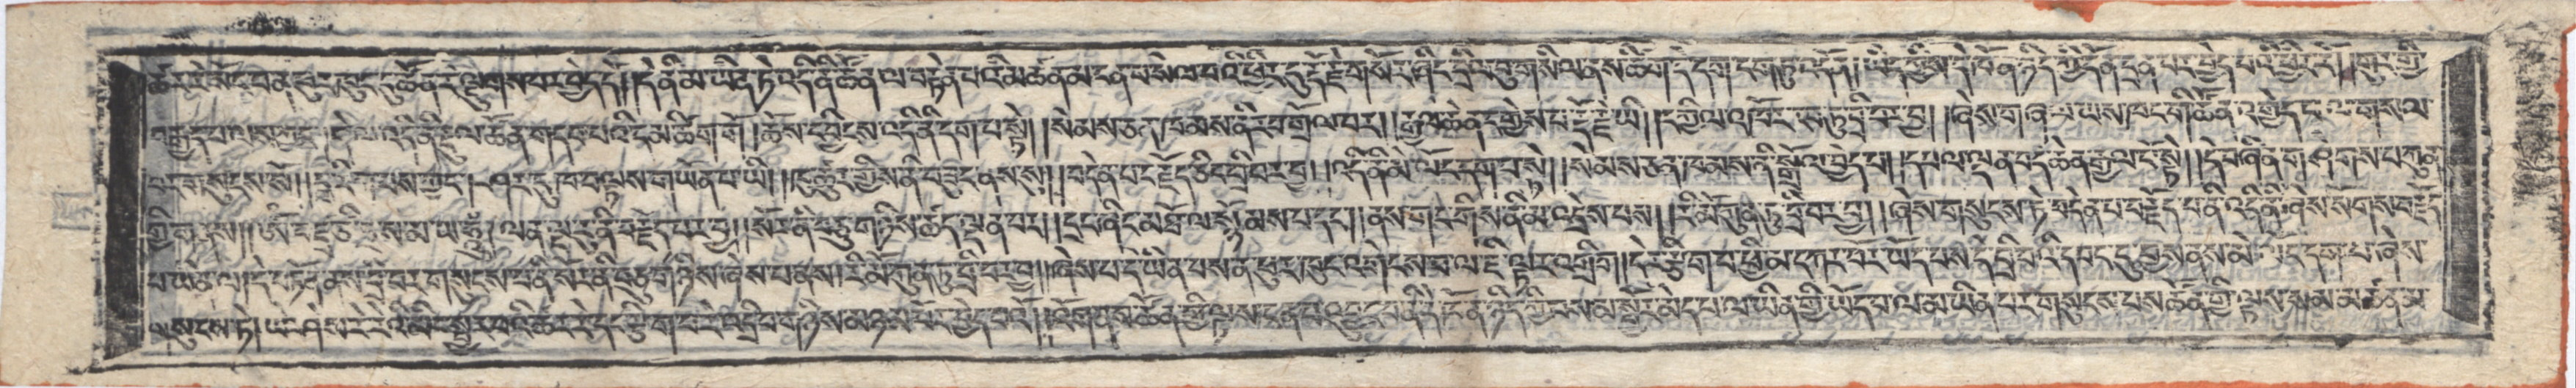ཚར་རེ་སོང་བ་ན་ཕུར་ཁུང་དུ་ཚོན་རེ་ལྡུགས་པར་བྱེད་དོ། །དེ་ནི་མ་ཡིན་ཏེ་འདི་ནི་ཚོན་ལ་བརྟེན་པའི་མཚན་མ་ངན་པ་སེལ་བའི་ཕྱིར་དུ་རྡོ་རྗེ་གསོར་ཞིང་དྲིལ་བུ་གསིལ་ནས་ཚིག་དེ་དག་ངག་ཏུ་འདོན། ཡིད་ཀྱིས་དེ་ཁོ་ན་ཉིད་ཀྱི་དོན་དྲན་པར་བྱེད་པའི་ཕྱིར་རོ། །གུར་གྱི་
བརྒྱད་པ་ལས་ཀྱང་། དེ་ལ་འདི་ནི་རྡུལ་ཚོན་གདབ་པའི་དམ་ཚིག་གོ །ཆོས་དབྱིངས་འདི་ནི་དག་པ་སྟེ། །སེམས་ཅན་ཁམས་ནི་རབ་གྲོལ་བར། །རྒྱལ་ཆེན་དགྱེས་པ་རྡོ་རྗེ་ཡི། །དཀྱིལ་འཁོར་རབ་ཏུ་བྲི་བར་བྱ། །ཞེས་གཞལ་ཡས་ཁང་གི་ཚོན་འགྱེད་པ་ལ་གསལ་
པར་གསུངས་སོ། །དཱ་རི་ཀ་པས་ཀྱང་། ཤར་དུ་ཁ་བལྟས་གཡོན་པ་ཡི། །ཁུ་ཚུར་གྱིས་ནི་བཟུང་ནས་སུ། །བདེན་པ་བརྗོད་ཅིང་བྲི་བར་བྱ། །འདི་ནི་མེ་ལོང་དག་པ་སྟེ། །སེམས་ཅན་ཁམས་ནི་སྒྲོལ་བྱེད་པ། །དཔལ་ལྡན་བདེ་ཆེན་རྒྱལ་པོ་སྟེ། །དེ་བཞིན་གཤེགས་པ་ཀུན་
གྱི་གནས། །ཨོཾ་བཛྲ་ཙི་ཏྲ་ས་མ་ཡ་ཧཱུཾ། ལན་ལྔ་རུ་ནི་བརྗོད་པར་བྱ། །སོར་ནི་བཅུ་གཉིས་ཚད་ལྡན་པར། །དྲང་ཞིང་མཐོ་ལ་སྙོམས་པ་དང་། །ནས་གང་གིས་ནི་མ་འདྲེས་པས། །རི་མོ་ཀུན་ཏུ་བྲི་བར་བྱ། །ཞེས་གསུངས་ཏེ་བདེན་པ་བརྗོད་པ་ནི་འདི་ནི་ཞེས་སོགས་བརྗོད་
པ་ཡིན་ལ། དེ་བཏོན་ནས་བྲི་བར་གསུངས་པ་ནི་སོར་ནི་བཅུ་གཉིས་ཞེས་པ་ནས། རི་མོ་ཀུན་ཏུ་བྲི་བར་བྱ། །ཞེས་པ་དེ་ཡིན་པས་ན་ཕུར་ཁུང་འགེངས་པ་ལ་ཇི་ལྟར་འགྲིག །དེར་རྩིག་པ་ཕྱི་མ་དཀར་ཕོར་ཡོད་པས་དེ་བྲི་བའི་དབང་དུ་བྱས་ནས་མེ་ལོང་དག་པ་ཞེས་
གསུངས་ཏེ། ཡེ་ཤེས་རེ་རེའི་མིང་སྦྱར་བའི་ཚར་རེ་དང་རྩིག་པ་རེ་འདྲི་བ་གཉིས་མཉམ་པོར་བྱེད་པའོ། །འོག་ནས་ཚོན་གྱི་ལྟས་ངན་པ་འབྱུང་བ་ནི་དེ་ཁོ་ན་ཉིད་ཀྱི་བསམ་སྦྱོར་མེད་པ་ལ་ཡིན་གྱི་ཡོད་པ་ལ་མ་ཡིན་པར་གསུངས་པས་ཚོན་གྱི་ལྟས་སམ་མཚན་མ་